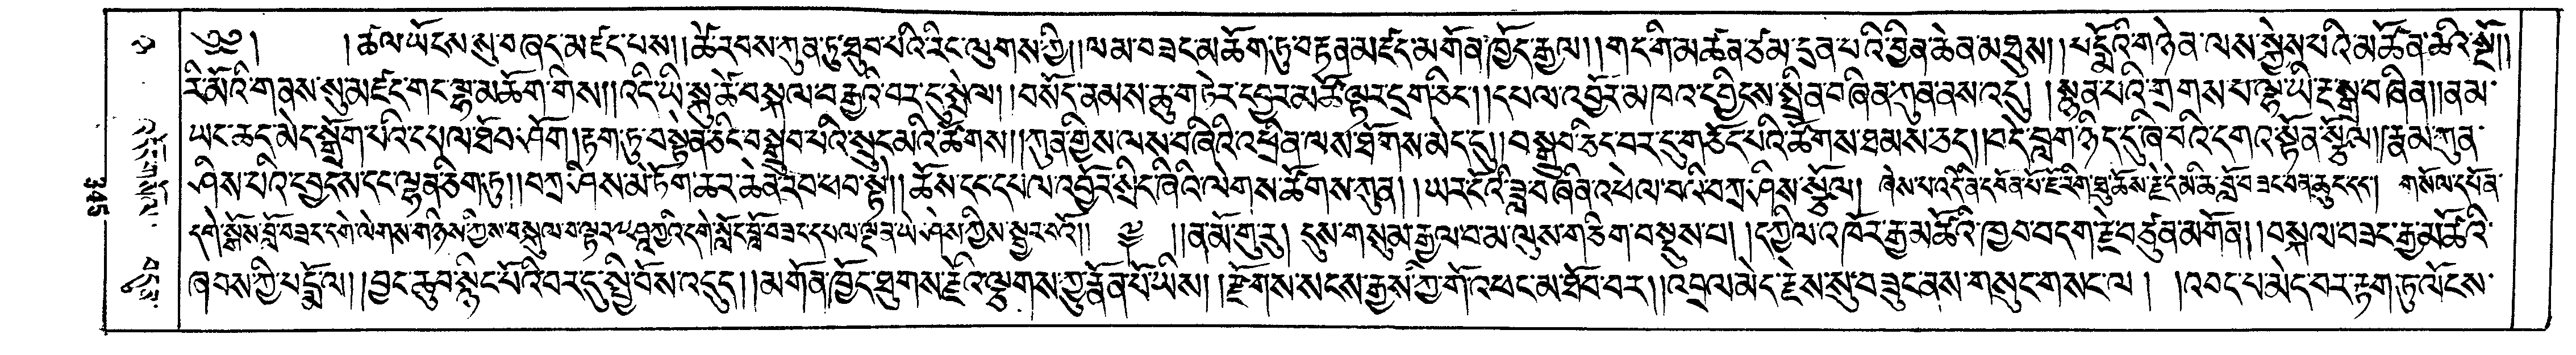༄༅། །ཚལ་ཡོངས་སུ་བཞད་མཛད་པས། །ཚེ་རབས་ཀུན་ཏུ་ཐུབ་པའི་རིང་ལུགས་ཀྱི། །ལམ་བཟང་མཆོག་ཏུ་བརྟན་མཛད་མགོན་ཁྱོད་རྒྱལ། །གང་གི་མཚན་ཙམ་དྲན་པའི་བྱིན་ཆེན་མཐུས། །པདམོའི་གཉེན་ལས་སྐྱེས་པའི་མཚོན་ཆའི་སྡེ།།
རི་མོའི་གནས་སུ་མཛད་གང་ལྷ་མཆོག་གིས། །འདི་ཡི་སྐུ་ཚེ་བསྐལ་བརྒྱའི་བར་དུ་སྤེལ། །བསོད་ནམས་ཆུ་གཏེར་དབྱར་མཚོ་ལྟར་དྲག་ཅིང་། །དཔལ་འབྱོར་མཁའ་དབྱིངས་སྤྲིན་བཞིན་ཀུན་ནས་འདུ། །སྙན་པའི་གྲགས་པ་ལྷ་ཡི་རྡ་སྒྲ་བཞིན། །ནམ་
ཡང་ཆད་མེད་སྒྲོག་པའི་དཔལ་ཐོབ་ཤོག །རྟག་ཏུ་བསྟེན་ཅིང་བསྒྲུབ་པའི་སྲུང་མའི་ཚོགས། །ཀུན་གྱིས་ལས་བཞིའི་འཕྲིན་ལས་ཐོགས་མེད་དུ། །བསྒྲུབ་ཅིང་བར་དུ་གཙོད་པའི་ཚོགས་ཐམས་ཅད། །བདེ་བླག་ཉིད་དུ་ཞི་བའི་དགའ་སྟོན་སྩོལ། །རྣམ་ཀུན་
ཤིས་པའི་དབྱངས་དང་ལྷན་ཅིག་ཏུ། །བཀྲ་ཤིས་མེ་ཏོག་ཆར་ཆེན་རབ་ཕབ་སྟེ། །ཆོས་དང་དཔལ་འབྱོར་སྲིད་ཞིའི་ལེགས་ཚོགས་ཀུན། །ཡར་ངོའི་ཟླ་བཞིན་འཕེལ་བའི་བཀྲ་ཤིས་སྩོལ། ཞེས་པ་འདི་ནི་དཔོན་པོ་ཇོ་རིག་ཐུ་ཆོས་རྗེ་དེན་ཆི་བློ་བཟང་བན་ཆུང་དང་། གསོལ་དཔོན་
དགེ་སྐོས་བློ་བཟང་དགེ་ལེགས་གཉིས་ཀྱིས་བསྐུལ་བ་ལྟར ༧ཤཱཀྱའི་དགེ་སློང་བློ་བཟང་དཔལ་ལྡན་ཡེ་ཤེས་ཀྱིས་སྦྱར་བའོ།། ༈ །།ན་མོ་གུ་རུ། དུས་གསུམ་རྒྱལ་བམ་ལུས་གཅིག་བསྡུས་པ། །དཀྱིལ་འཁོར་རྒྱ་མཚོའི་ཁྱབ་བདག་རྗེ་བཙུན་མགོན། །བསྐལ་བཟང་རྒྱ་མཚོའི་
ཞབས་ཀྱི་པདམོ་ལ། །བྱང་ཆུབ་སྙིང་པོའི་བར་དུ་སྦྱི་བོས་འདུད། །མགོན་ཁྱོད་ཐུགས་རྗེའི་ལྕགས་ཀྱུ་རྣོན་པོ་ཡིས། །རྫོགས་སངས་རྒྱས་ཀྱི་གོ་འཕང་མ་ཐོབ་པར། །འབྲལ་མེད་རྗེས་སུ་བཟུང་ནས་གསུང་གསང་ལ། །འབད་བ་མེད་པར་རྟག་ཏུ་ལོངས་